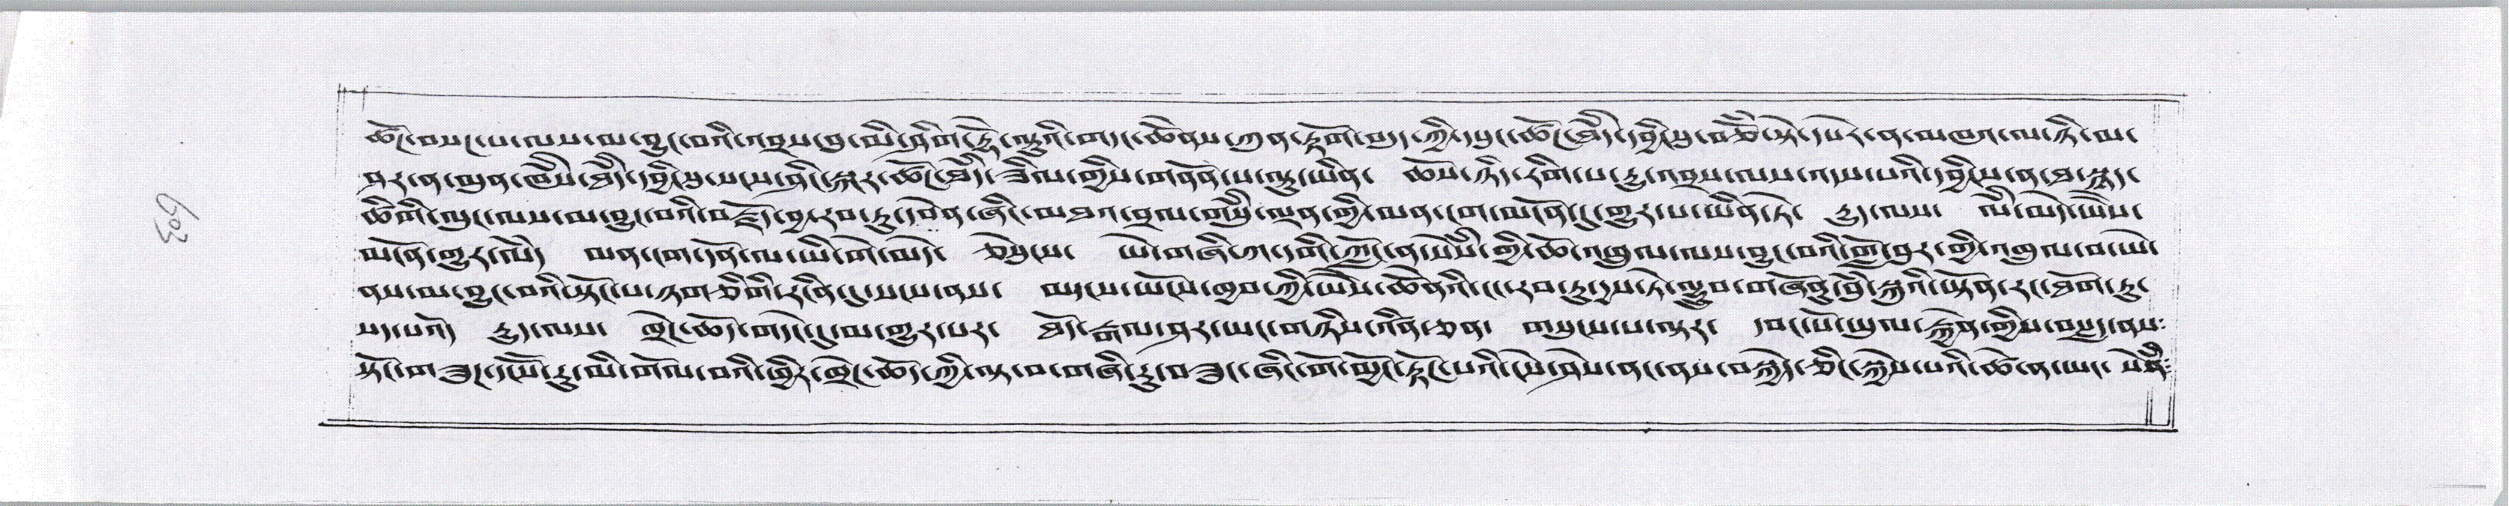ཚོགས་བསགས་པ་ལས་མ་བྱུང་བའི་འབྲས་བུ་མི་ཤིག་རྡོ་རྗེ་ལྟ་བུའི་གདངས་ཆེན་པོས་ཀུན་རྟོག་བདུད་ཀྱི་དཔུང་ཚོགས་ཐམས་ཅད་དབྱིངས་སུ་བཅོམ་སྟེ་དཔེར་ན། མཁའ་ལ་ཉི་མ་
ཤར་ན་མུན་ཁམས་ཐམས་ཅད་དབྱིངས་སུ་སངས་ཤིང་སྐར་ཚོགས་ཐམས་ཅད་ཟིལ་གྱིས་གནོན་པ་ལྟ་བུ་ཡིན། ཆོས་ཉིད་རིག་པ་རྒྱུ་འབྲས་ལས་འདས་པའི་དབྱིངས་ན་ཐ་སྙད་
ཚིག་གི་ལུང་ལས་མ་བྱུང་བའི་བརྗོད་བྱ་རབ་ཏུ་དབེན་ཞིང་མཐའ་བྲལ་གསུམ་ལྡན་གྱི་མན་ངག་མངོན་དུ་གྱུར་པ་ཡིན་ཏེ། རྒྱུད་ལས། ལམ་མེད་ཡེ་ཤེས་
མངོན་གྱུར་ལམ། །མན་ངག་དོན་ལ་ཡི་གེ་མེད། །ཅེས་གསུངས། ཡེ་གཞི་ཀ་དག་གི་ཀློང་དུ་སེམས་ཀྱི་ཆོ་འཕྲུལ་ལས་བྱུང་བའི་གློ་བརུ་གྱི་འཁྲུལ་པ་ཡེ་
ནས་མ་བྱུང་བའི་སྟོང་པ་ཉག་གཅིག་གི་རང་བཞིན་དུ་སངས་ནས། མདངས་ཡོངས་ཁྱབ་ཀྱི་ཡེ་ཤེས་ཆེན་པོིའི་ངང་རབ་ཏུ་རྒྱས་ཏེ་ལྷུན་གྲུབ་གཞོན་ནུ་བུམ་སྐུའི་ཡོན་ཏན་རང་ཐོག་ཏུ་
སད་པའོ། །རྒྱུད་ལས། ཁྲེག་ཆོད་གདེང་དུ་མ་གྱུར་པར། །ཐོད་རྒལ་ཤར་ཡང་གཉིས་འཛིན་ཅན། །གསུངས་པ་ལྟར་དབང་པོ་ཡུལ་རྐྱེན་གྱིས་བསླད་ནས་
སྟོང་གཟུགས་དངོས་པོ་རུ་མི་གོལ་བའི་ཕྱིར། ཁྲེག་ཆོད་ཀྱི་ལྟ་བ་གཞི་རུ་བཟུང་ཞིང་གོ་མྱོང་རྟོགས་པའི་ངེས་ཤེས་ནང་ནས་བསྐྱེད་ཅིང་སྐྱེས་པའི་ཚེ་ན་ཡང་སེམས་ཅན་